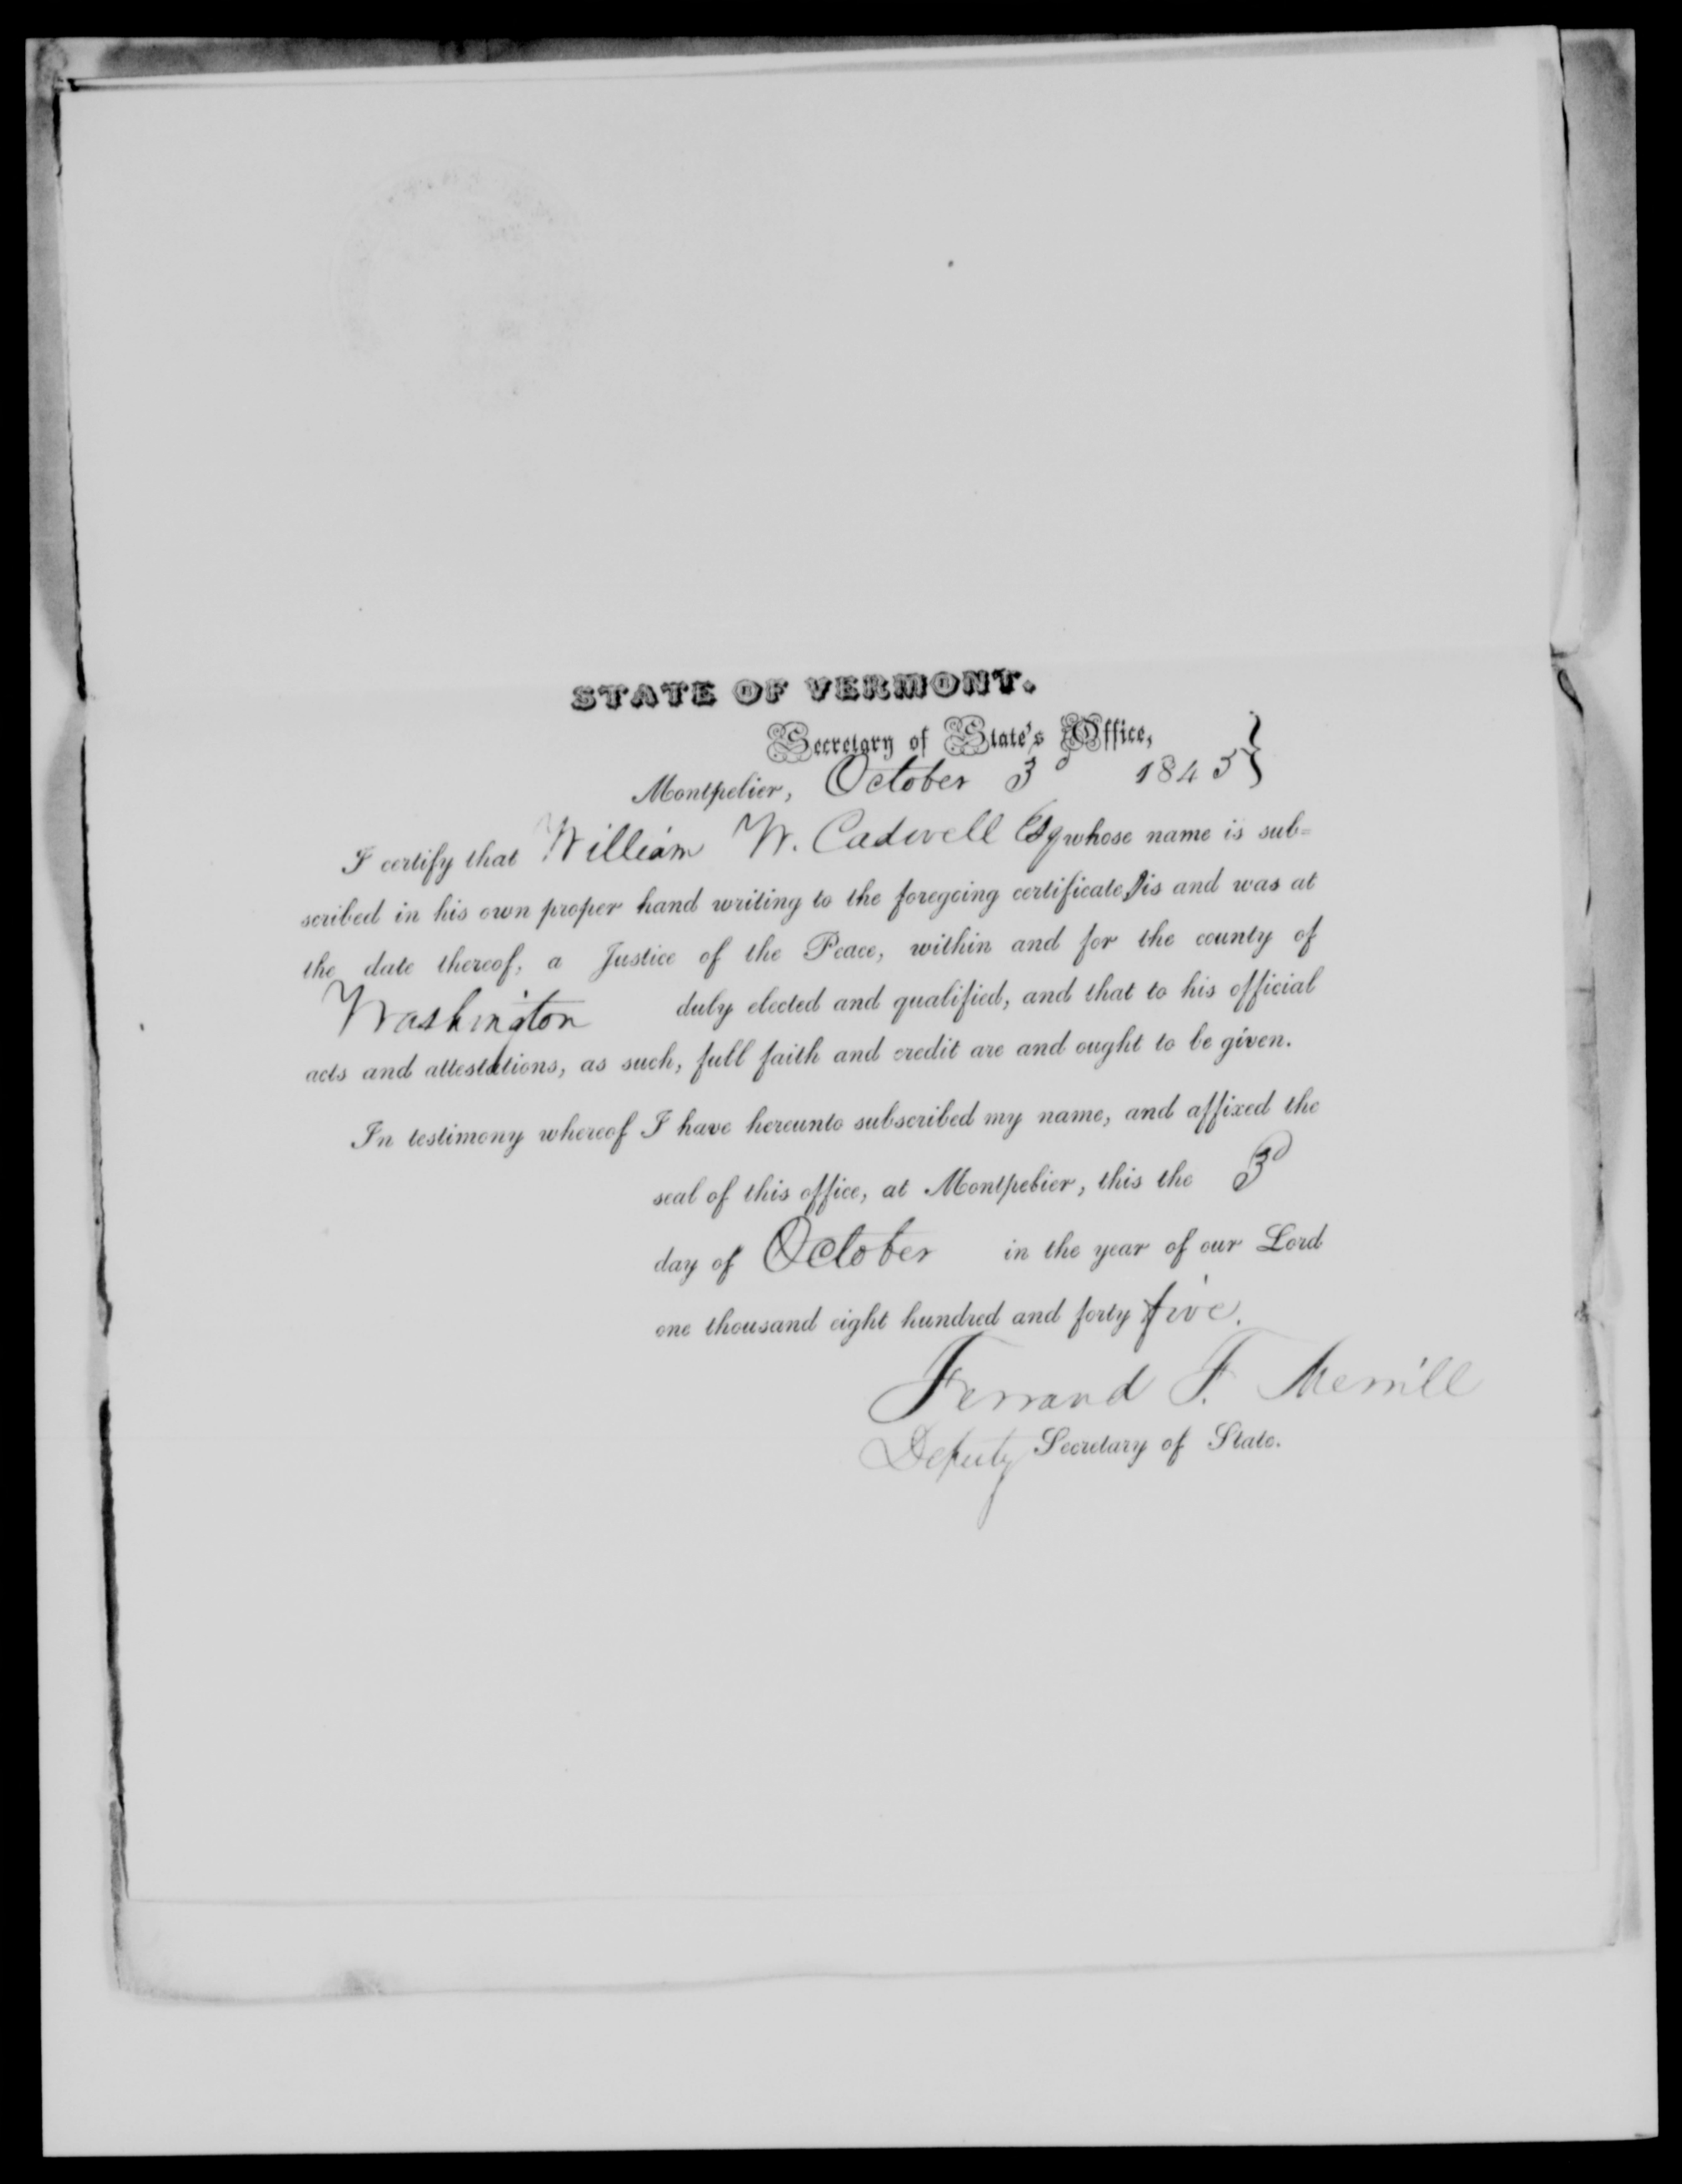STATE OF VERMONT
Secretary of State's Office
Montpelier, October 3d 1845

I certify that William W. Cadwell Esq. whose name is subscribed in his own proper hand writing to the foregoing certificate is and was at the date thereof, a Justice of the Peace, within and for the county of Washington duly elected and qualified, and that to his official acts and attestations as such, full faith and credit are and ought to be given.

In testimony whereof I have hereunto subscribed my name, and affixed the seal of this office, at Montpelier, this the 3d day of October in the year of our Lord one thousand eight hundred and forty five.

Ferrand F. Merrill
Deputy Secretary of State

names: William W Cadwell, Ferrand F Merrill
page: 62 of 79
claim: survivor's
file: S. 11759, Samuel White, Mass.